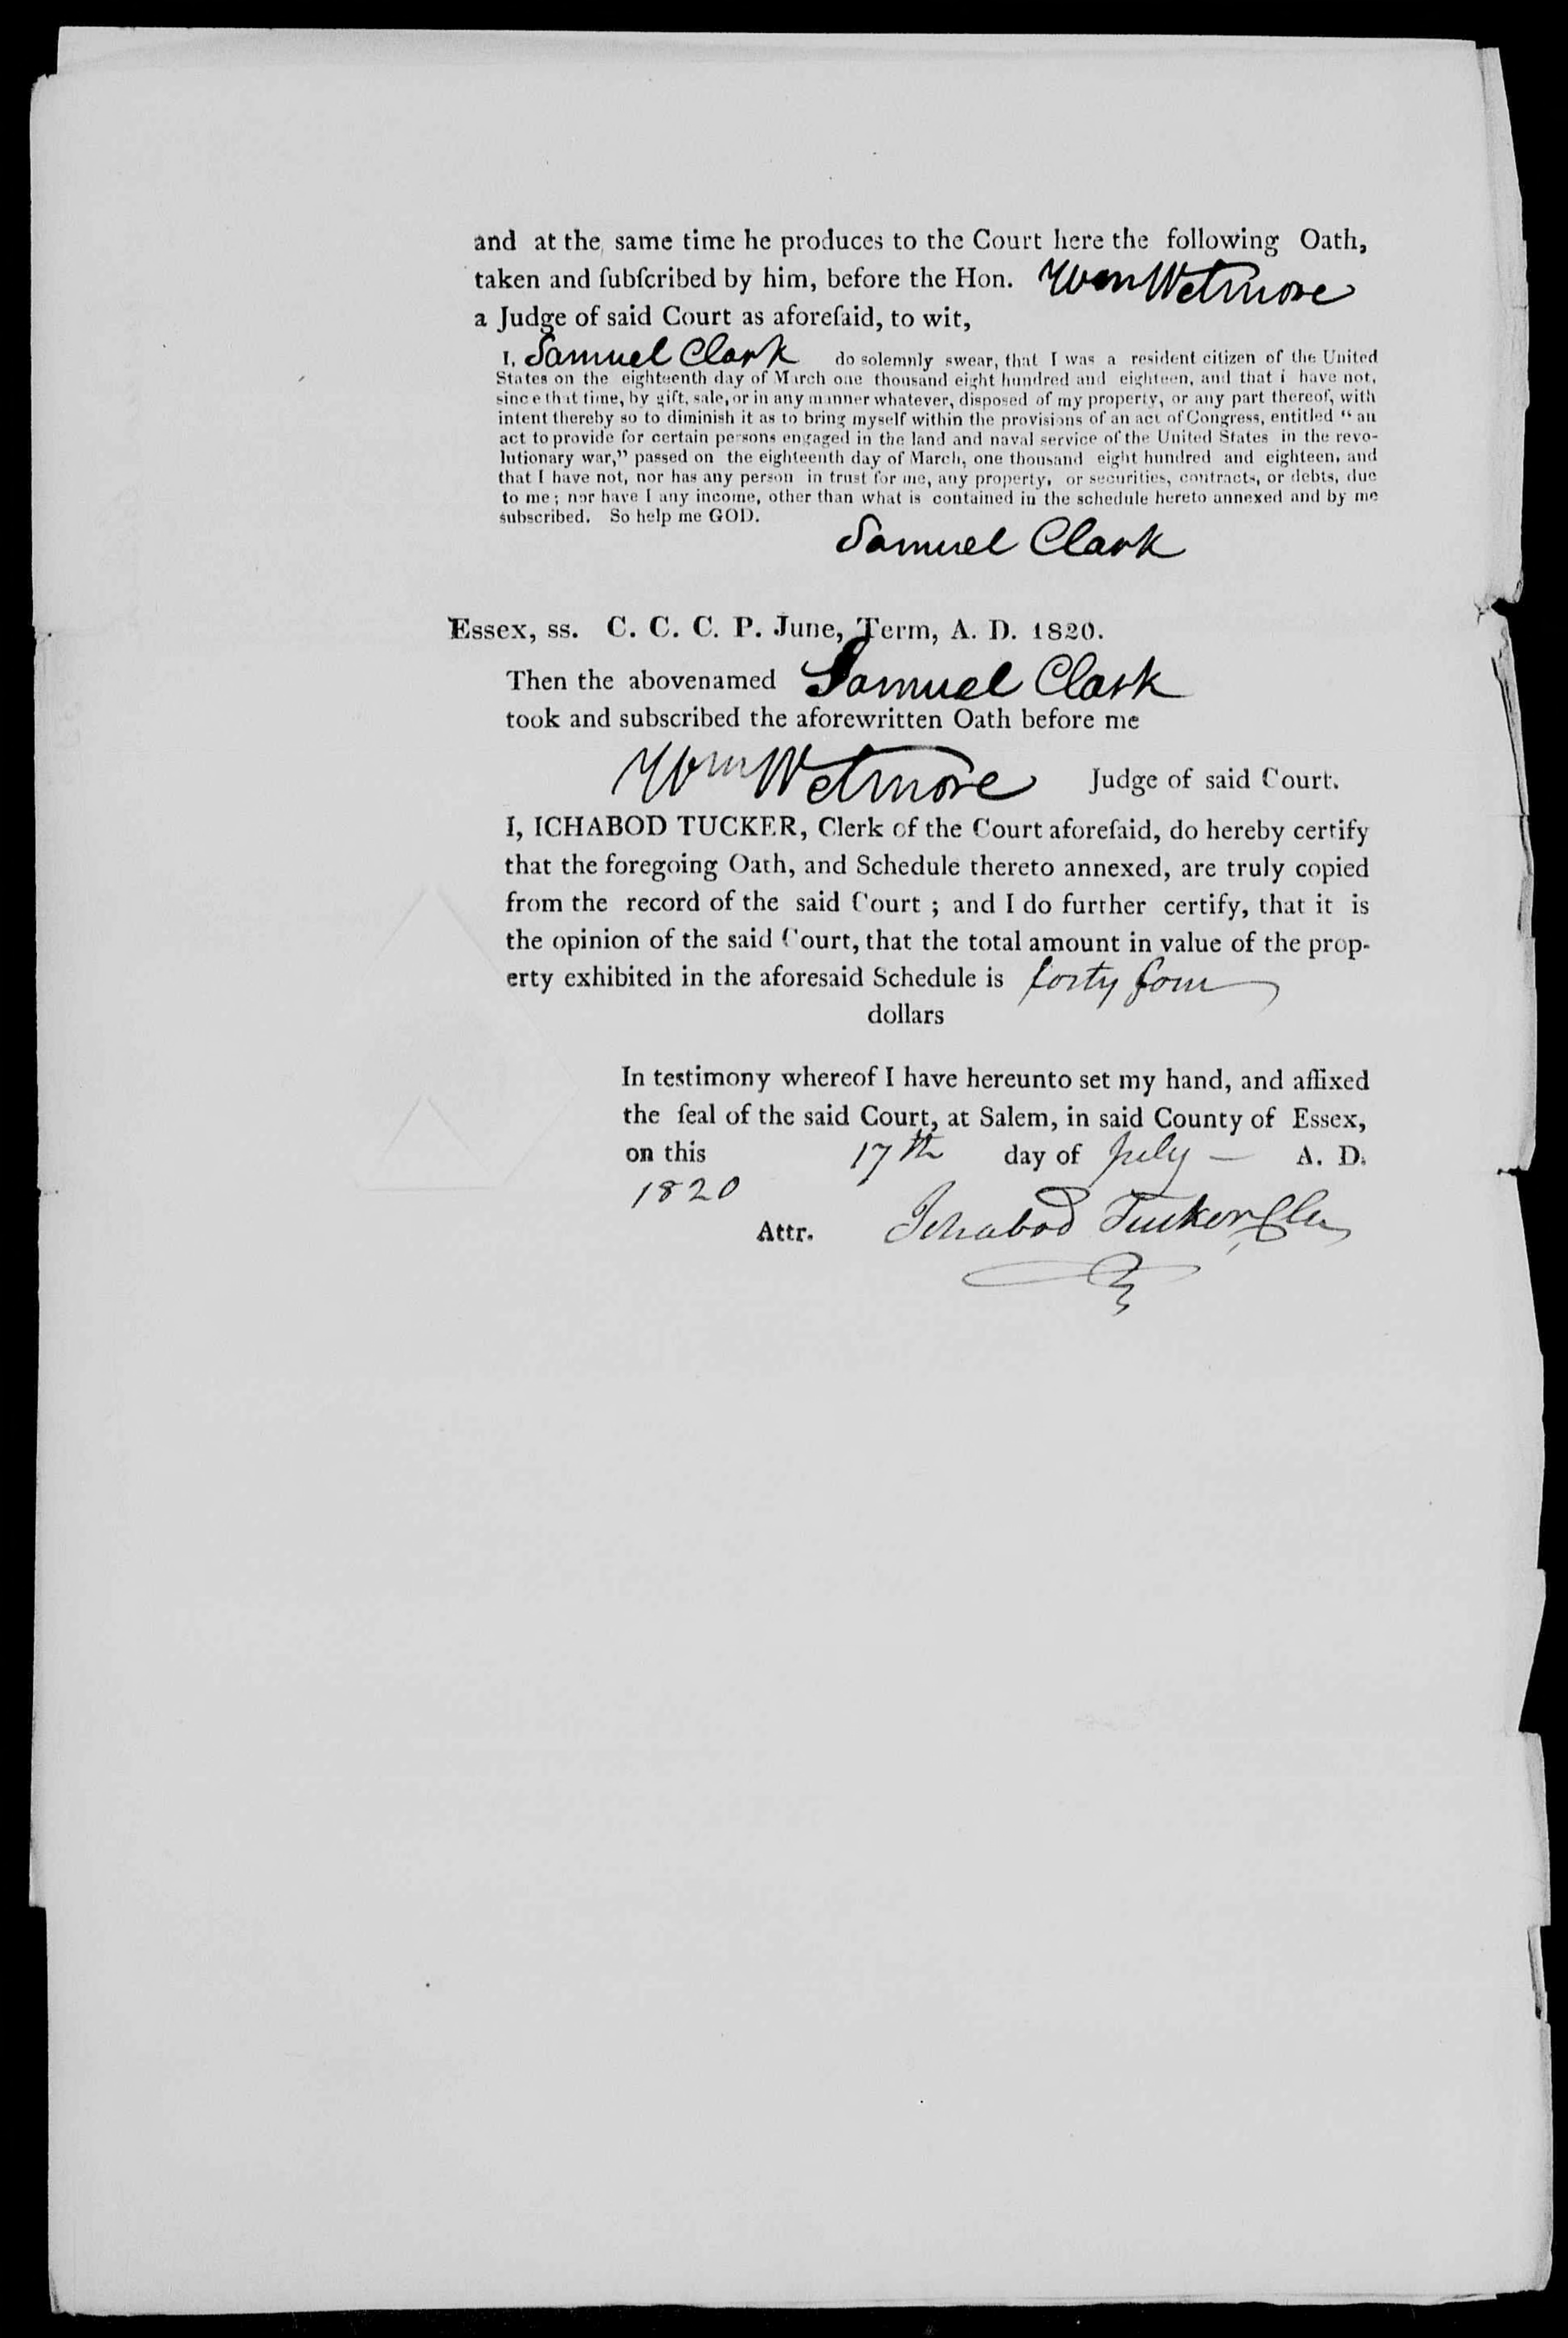and at the same time he produces to the Court here the following Oath taken and subscribed by him, before the Hon. Wm Wetmore a Judge of said Court as aforsaid, to wit, 
I, Samuel Clark, do solemnly swear, that I was a resident citizen of the Untied States on the eighteenth day of March one thousand eight hundred and eighteen, and the I have not, since that time, by gift, sale, or in any manner whatever, disposed of my property, or any part thereof, with intent thereby so to diminish it as to bring myself within the provisions of an act of Congress, entitled "an act to provide for certain persons engaged in the land and naval service of the Untied States in the revolutionary war," passed on the eighteenth day or March, one thousand eight hundred and eighteen, and that I have not, not has any person in trust for me, any property, or securities, contracts, or debts, due to me; nor have what is contained in the schedule hereto annexed and by me subscribed. So help me GOD. 
Samuel Clark (signed)

Essex ss.  C.C.C.P. June, Term, A.D. 1820
Then the abovenamed Samuel Clark took and subscribed the aforewritten Oath before me
Wm Wetmore Judge of said Court. 
I , ICHABOD TUCKER, Clerk of the Court aforesaid, do hereby certify that the foregoing Oath, and Schedule thereto annexed, are truly copied from the record of the said Court, and I do further certify, that it is the opinion of the said Court, that the total amount in value of the property exhibited aforesaid Schedule is forty four dollars

In testimony whereof I have hereunto set my had, and affixed the seal of the said Court, at Salem, in said County of Essex, on this 17th day of July - A.D. 1820
Attr. Ichabod Tucker Clerk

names: Wm Wetmore, Samuel Clark, Samuel Clark, Samuel Clark, Ichabod Tucker, Ichabod Tucker, Wm Wetmore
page: 9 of 14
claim: survivor's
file: S. 34696, Samuel Clark, Continental Mass.